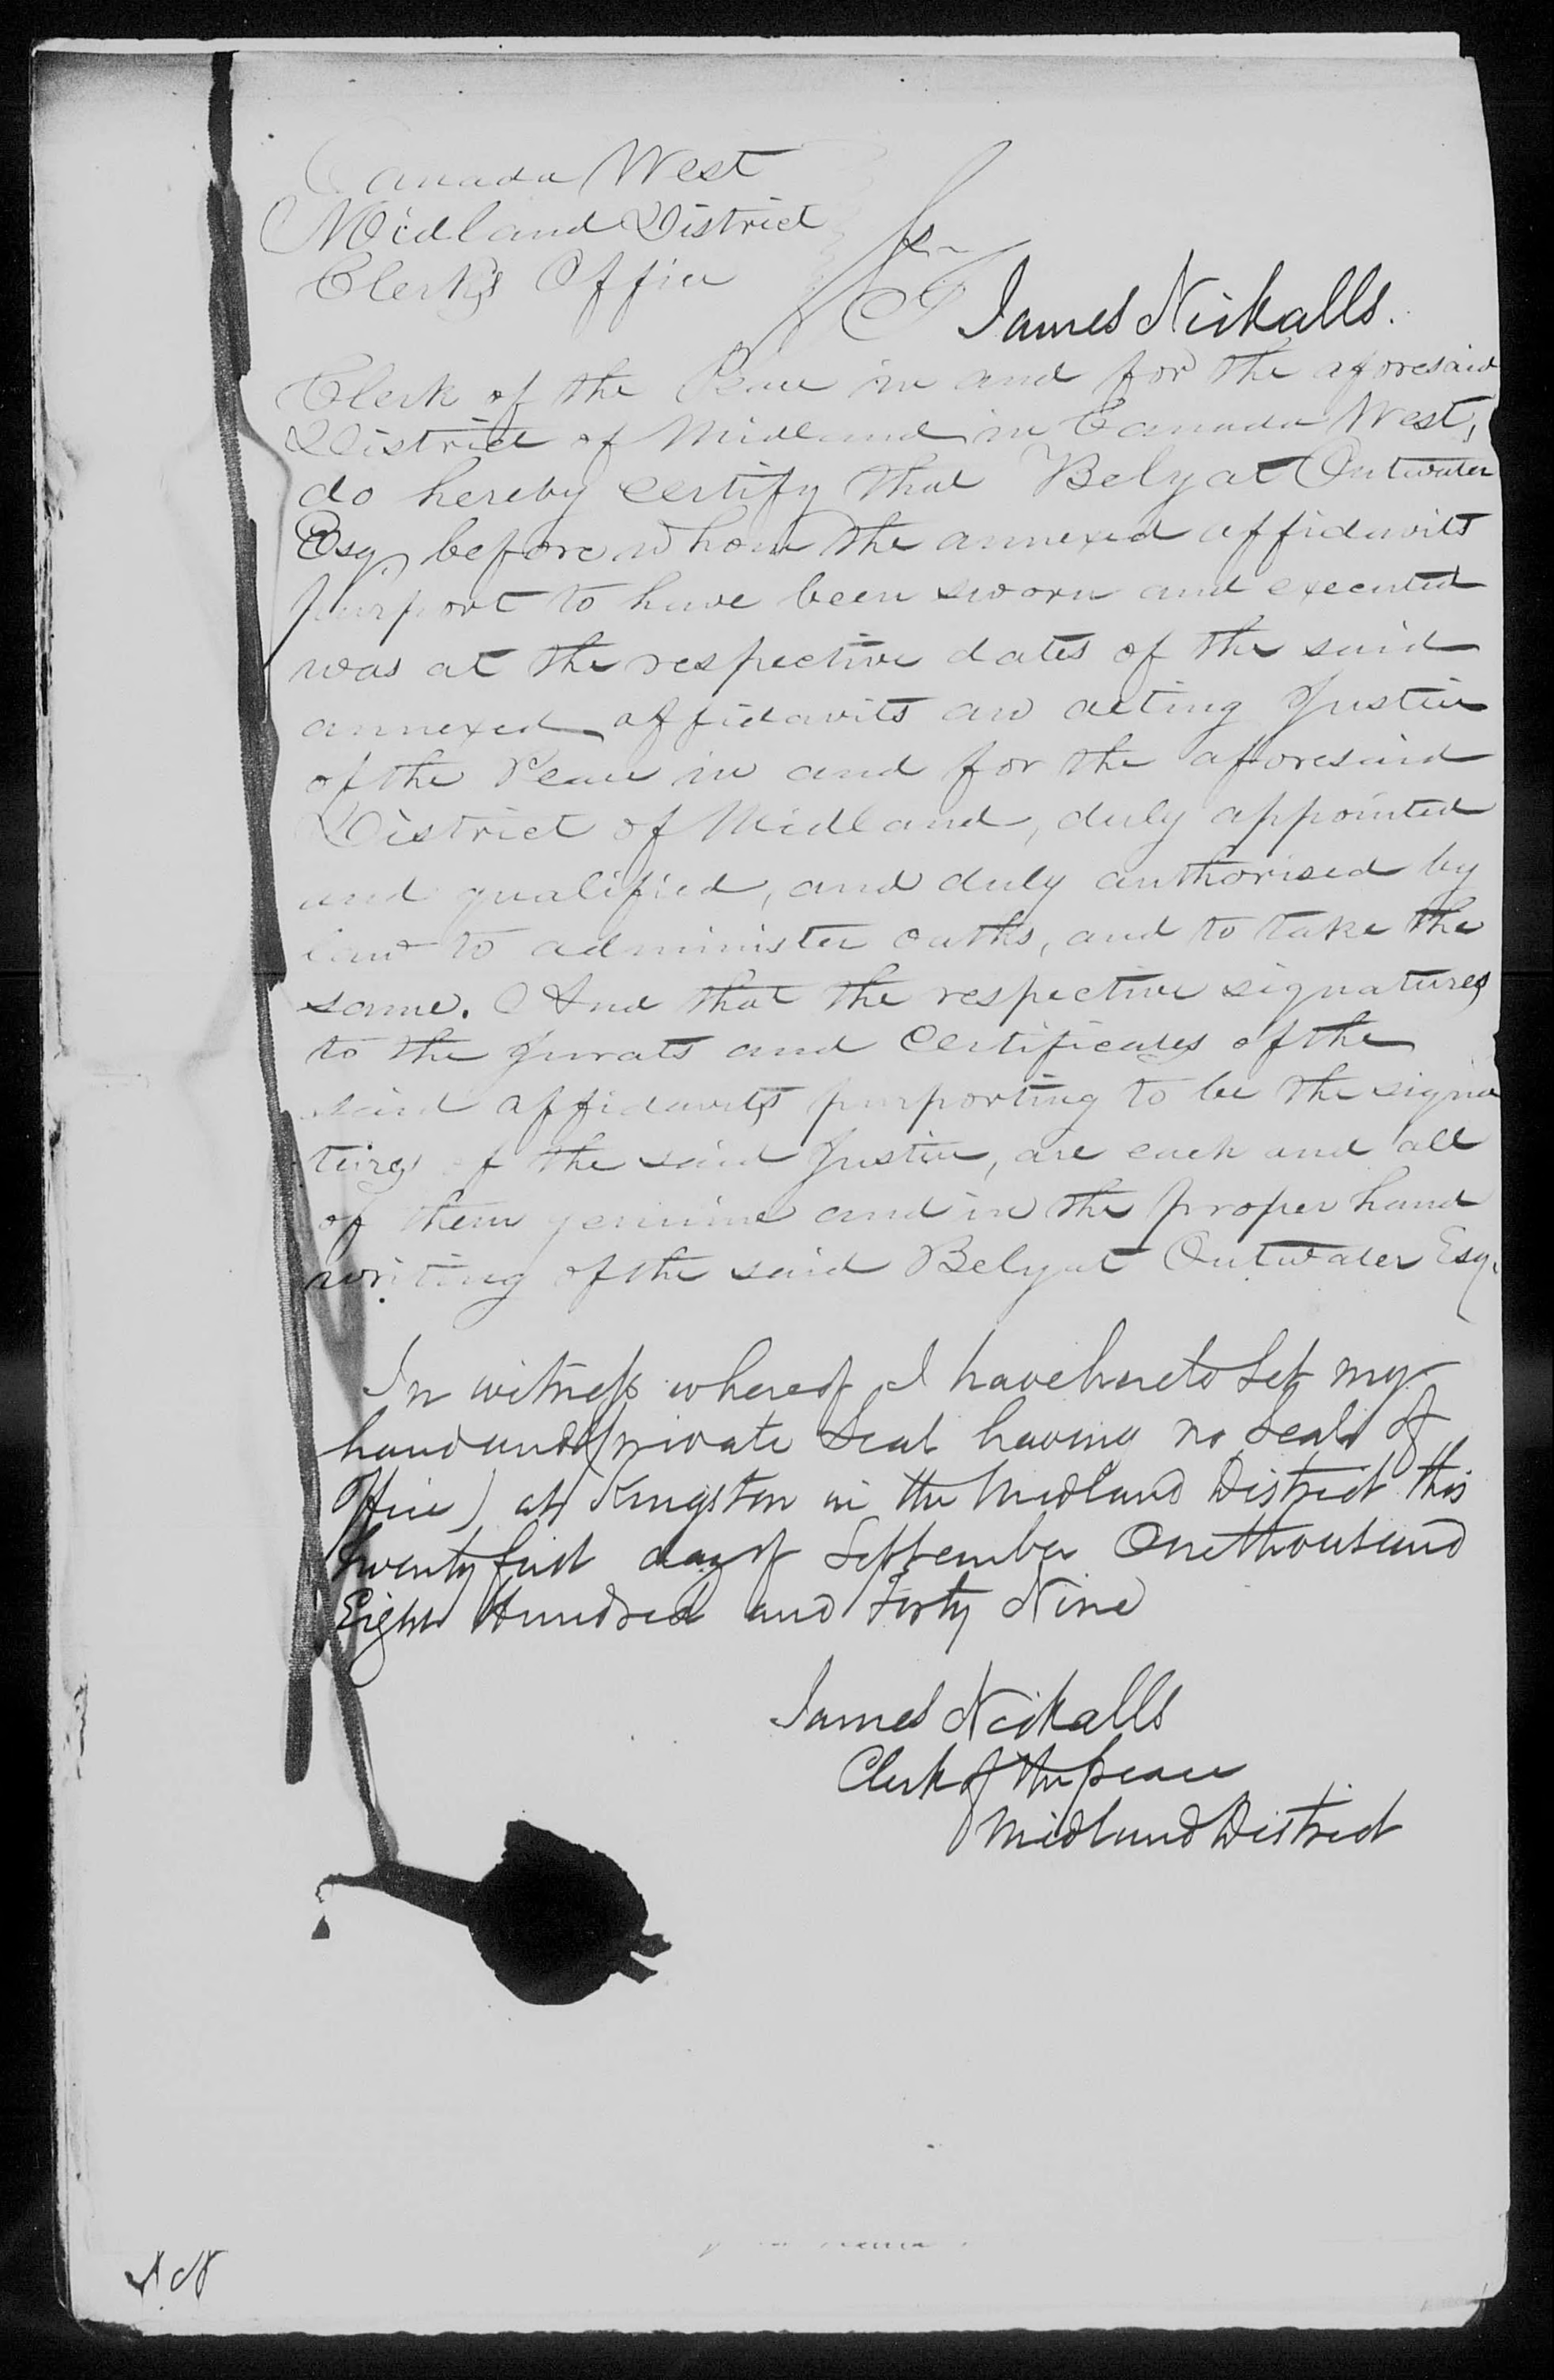Canada West
Midland District
Clerk's Office } Ss~
I James Nicholls Clerk of the Peace in and for the aforesaid District of Midland in Canada West do hereby certify that Belyat Outwater Esq before whom the annexed affidavits purport to have been sworn and executed was at the respective dates of the said annexed affidavits an acting Justice of the Peace in and for the aforesaid District of Midland, duly appointed and qualified, and duly authorised by law to administer oaths, and to take the same. And that the respective signatures to the jurats and Certificates of the said affidavits purporting to be the signatures of the said Justice, are each and all of them genuine and in the proper hand writing of the said Belyat Outwater Esq.

In witness whereof I have hereto set my hand and (private Seal having no Seal of Office) at Kingston in the Midland District this twenty first day of September One thousand Eight Hundred and Forty Nine

James Nicholls
Clerk of the peace
Midland District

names: Belyat Outwater, James Nicholls, James Nicholls, Belyat Outwater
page: 51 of 106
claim: survivor's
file: S 23,116., Joshua Benedict, Conn.